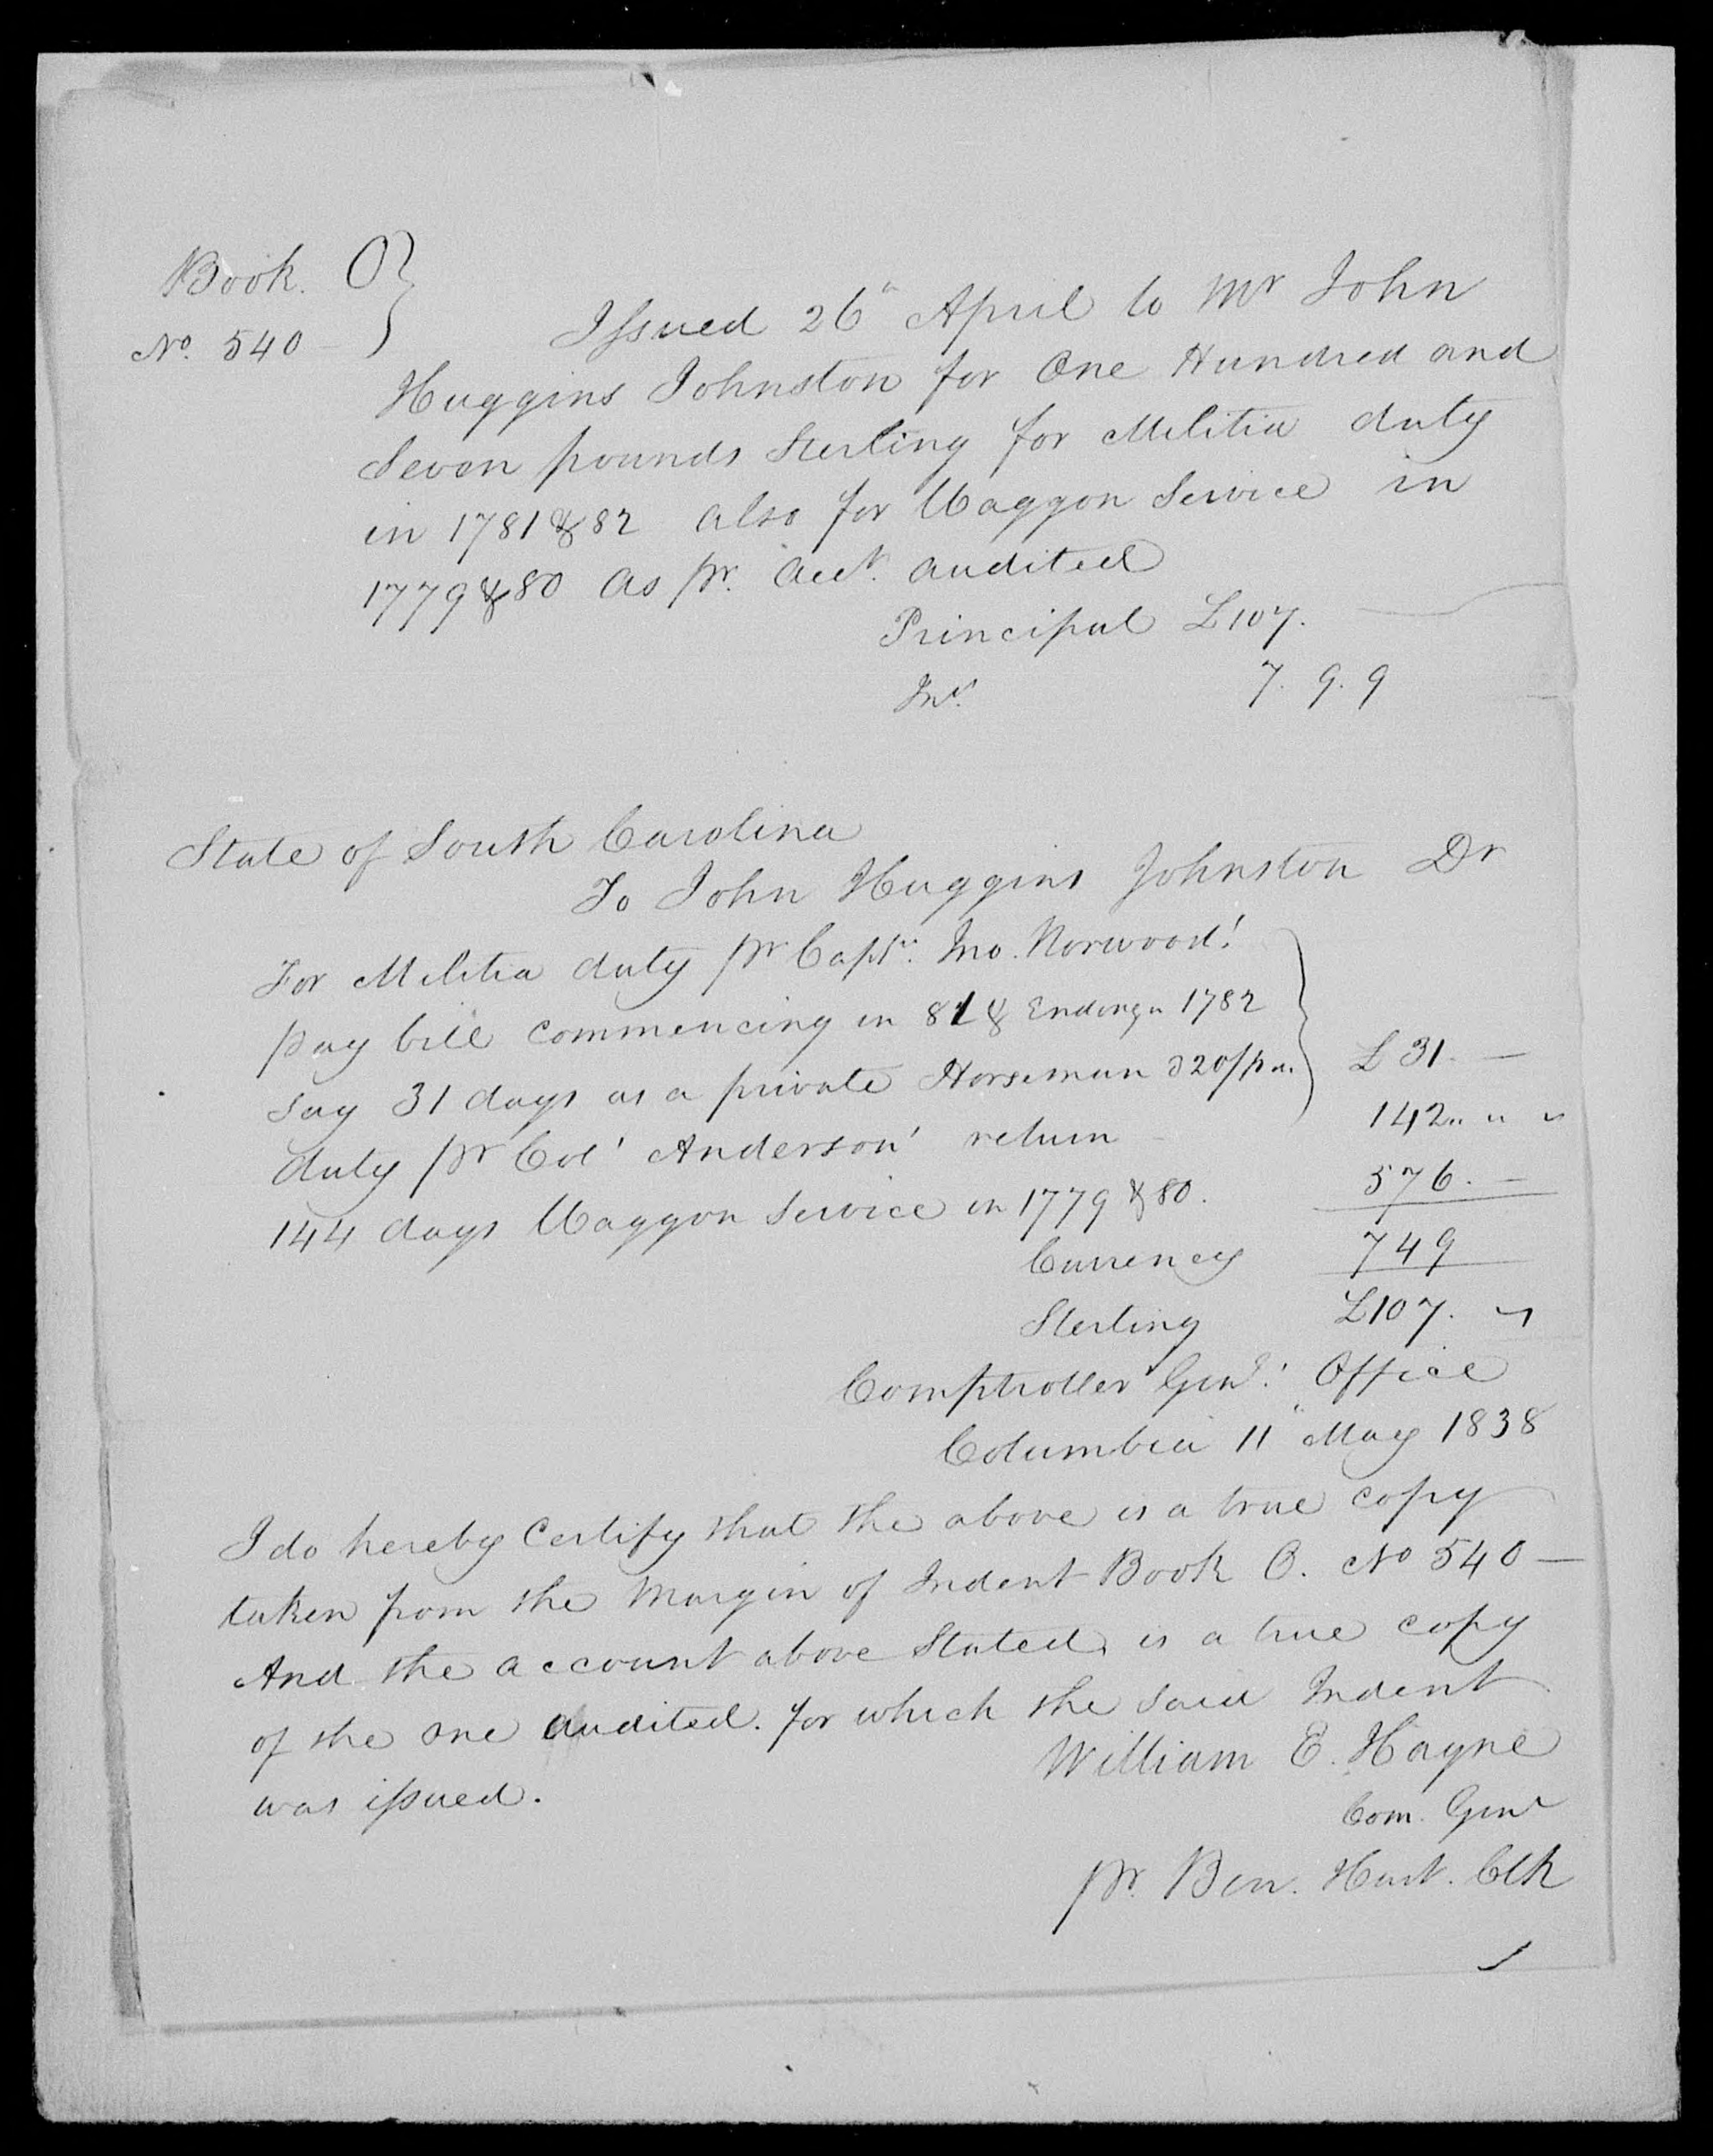Book. O }
No. 540 }
Issued 26th April to Mr John Huggins Johnston for one Hundred and Seven pounds Sterling for Militia duty in 1781 & 82 Also for Waggon [sic] Service in 1779 & 80 as pr. aut. audited
Principal L.107.
Int. 7.9.9


State of South Carolina
To John Huggins Johnston Dr
For Militia duty pr Capt. Jno. Norwood: }
Pay bill commencing in 8 Lg Ending.. 1782 }
say 31 days as a private Horseman @20/pa. } L 31.-
duty /pr Col' Anderson' return } 142" " "
144 days Waggon Service in 1779 & 80  576.-
________
Currency 749
___________
Sterling L107 ~


Comptroller Genl.' Office
Columbia 11 May 1838
I do hereby certify that the above is a true copy taken from the margin of Indent Book O. No 540 -
And the account above Stated is a true copy of the one audited for which the said Indent was issued.
S/William E. Hayne
Com Genl
pr. Ben. Hurt. Clk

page: 10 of 26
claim: widow's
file: W. 4464, for John H Johnson, Georgia